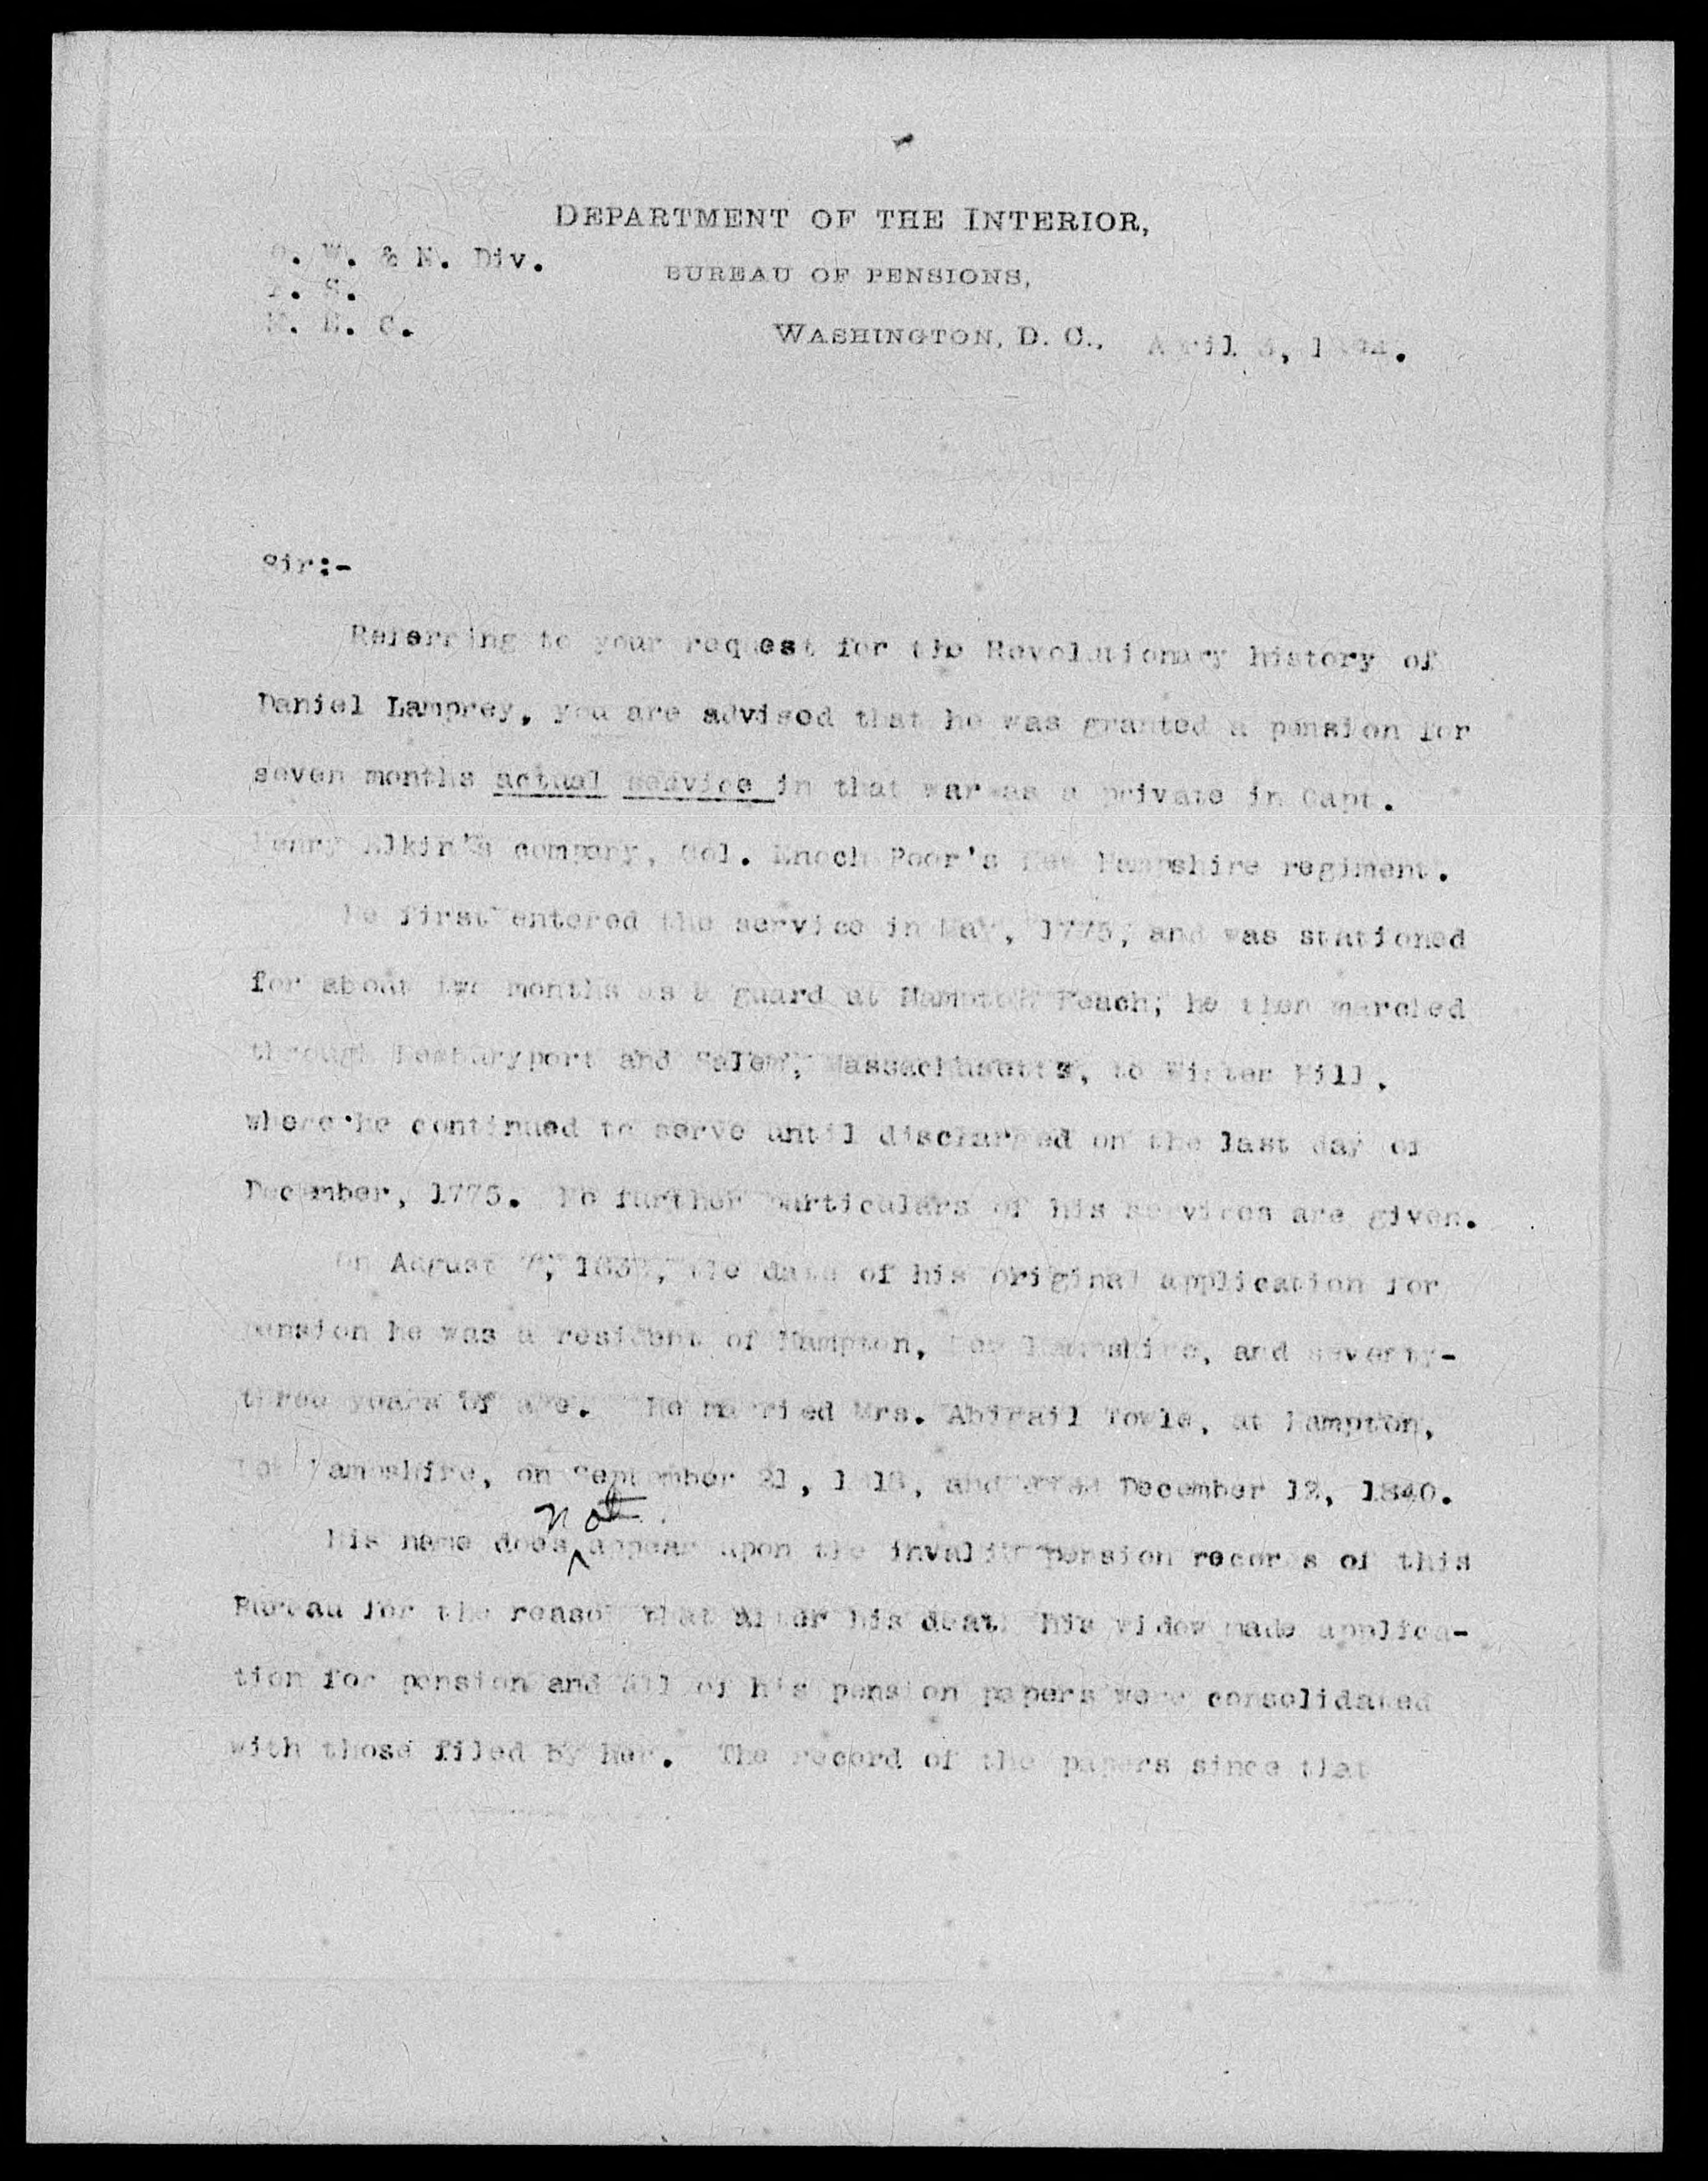DEPARTMENT OF THE INTERIOR,
BUREAU OF PENSIONS,
WASHINGTON, D. C., April 3, 1924.
 O.W.& N. Div.  T.S. M.D.C. 

Sir: --Referring to your request for the Revolutionary history of Daniel Lamprey, you are advised that he was granted a pension for
seven months actual service in that war as a private in Capt. James Aiken's company, Col. Enoch Poor's New Hampshire regiment.
He first entered the service in May 1775, and was stationed for about two months as a guard at Hampton Beach; he then marched through Newburyport and Salem, Massachusetts, to Winter Hill, where he continued to serve until discharged on the last day of December, 1775. No further particulars of his service are given.
On August 7, 1832, the date of his original application for pension he was a resident of Hampton, New Hampshire, and seventy-three years of age. He married Mrs. Abigail Towle, at Hampton, New Hampshire, on September 21, 1818 and died December 12, 1840.
His name does not appear upon the available pension records of this Bureau for the 
reason that as of his death His widow made application for pension and all of his pension papers were consolidated with those filed by her. The record of the papers since that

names: Daniel Lamprey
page: 15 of 53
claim: widow's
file: W. 492, for Daniel Lamprey, New Hampshire